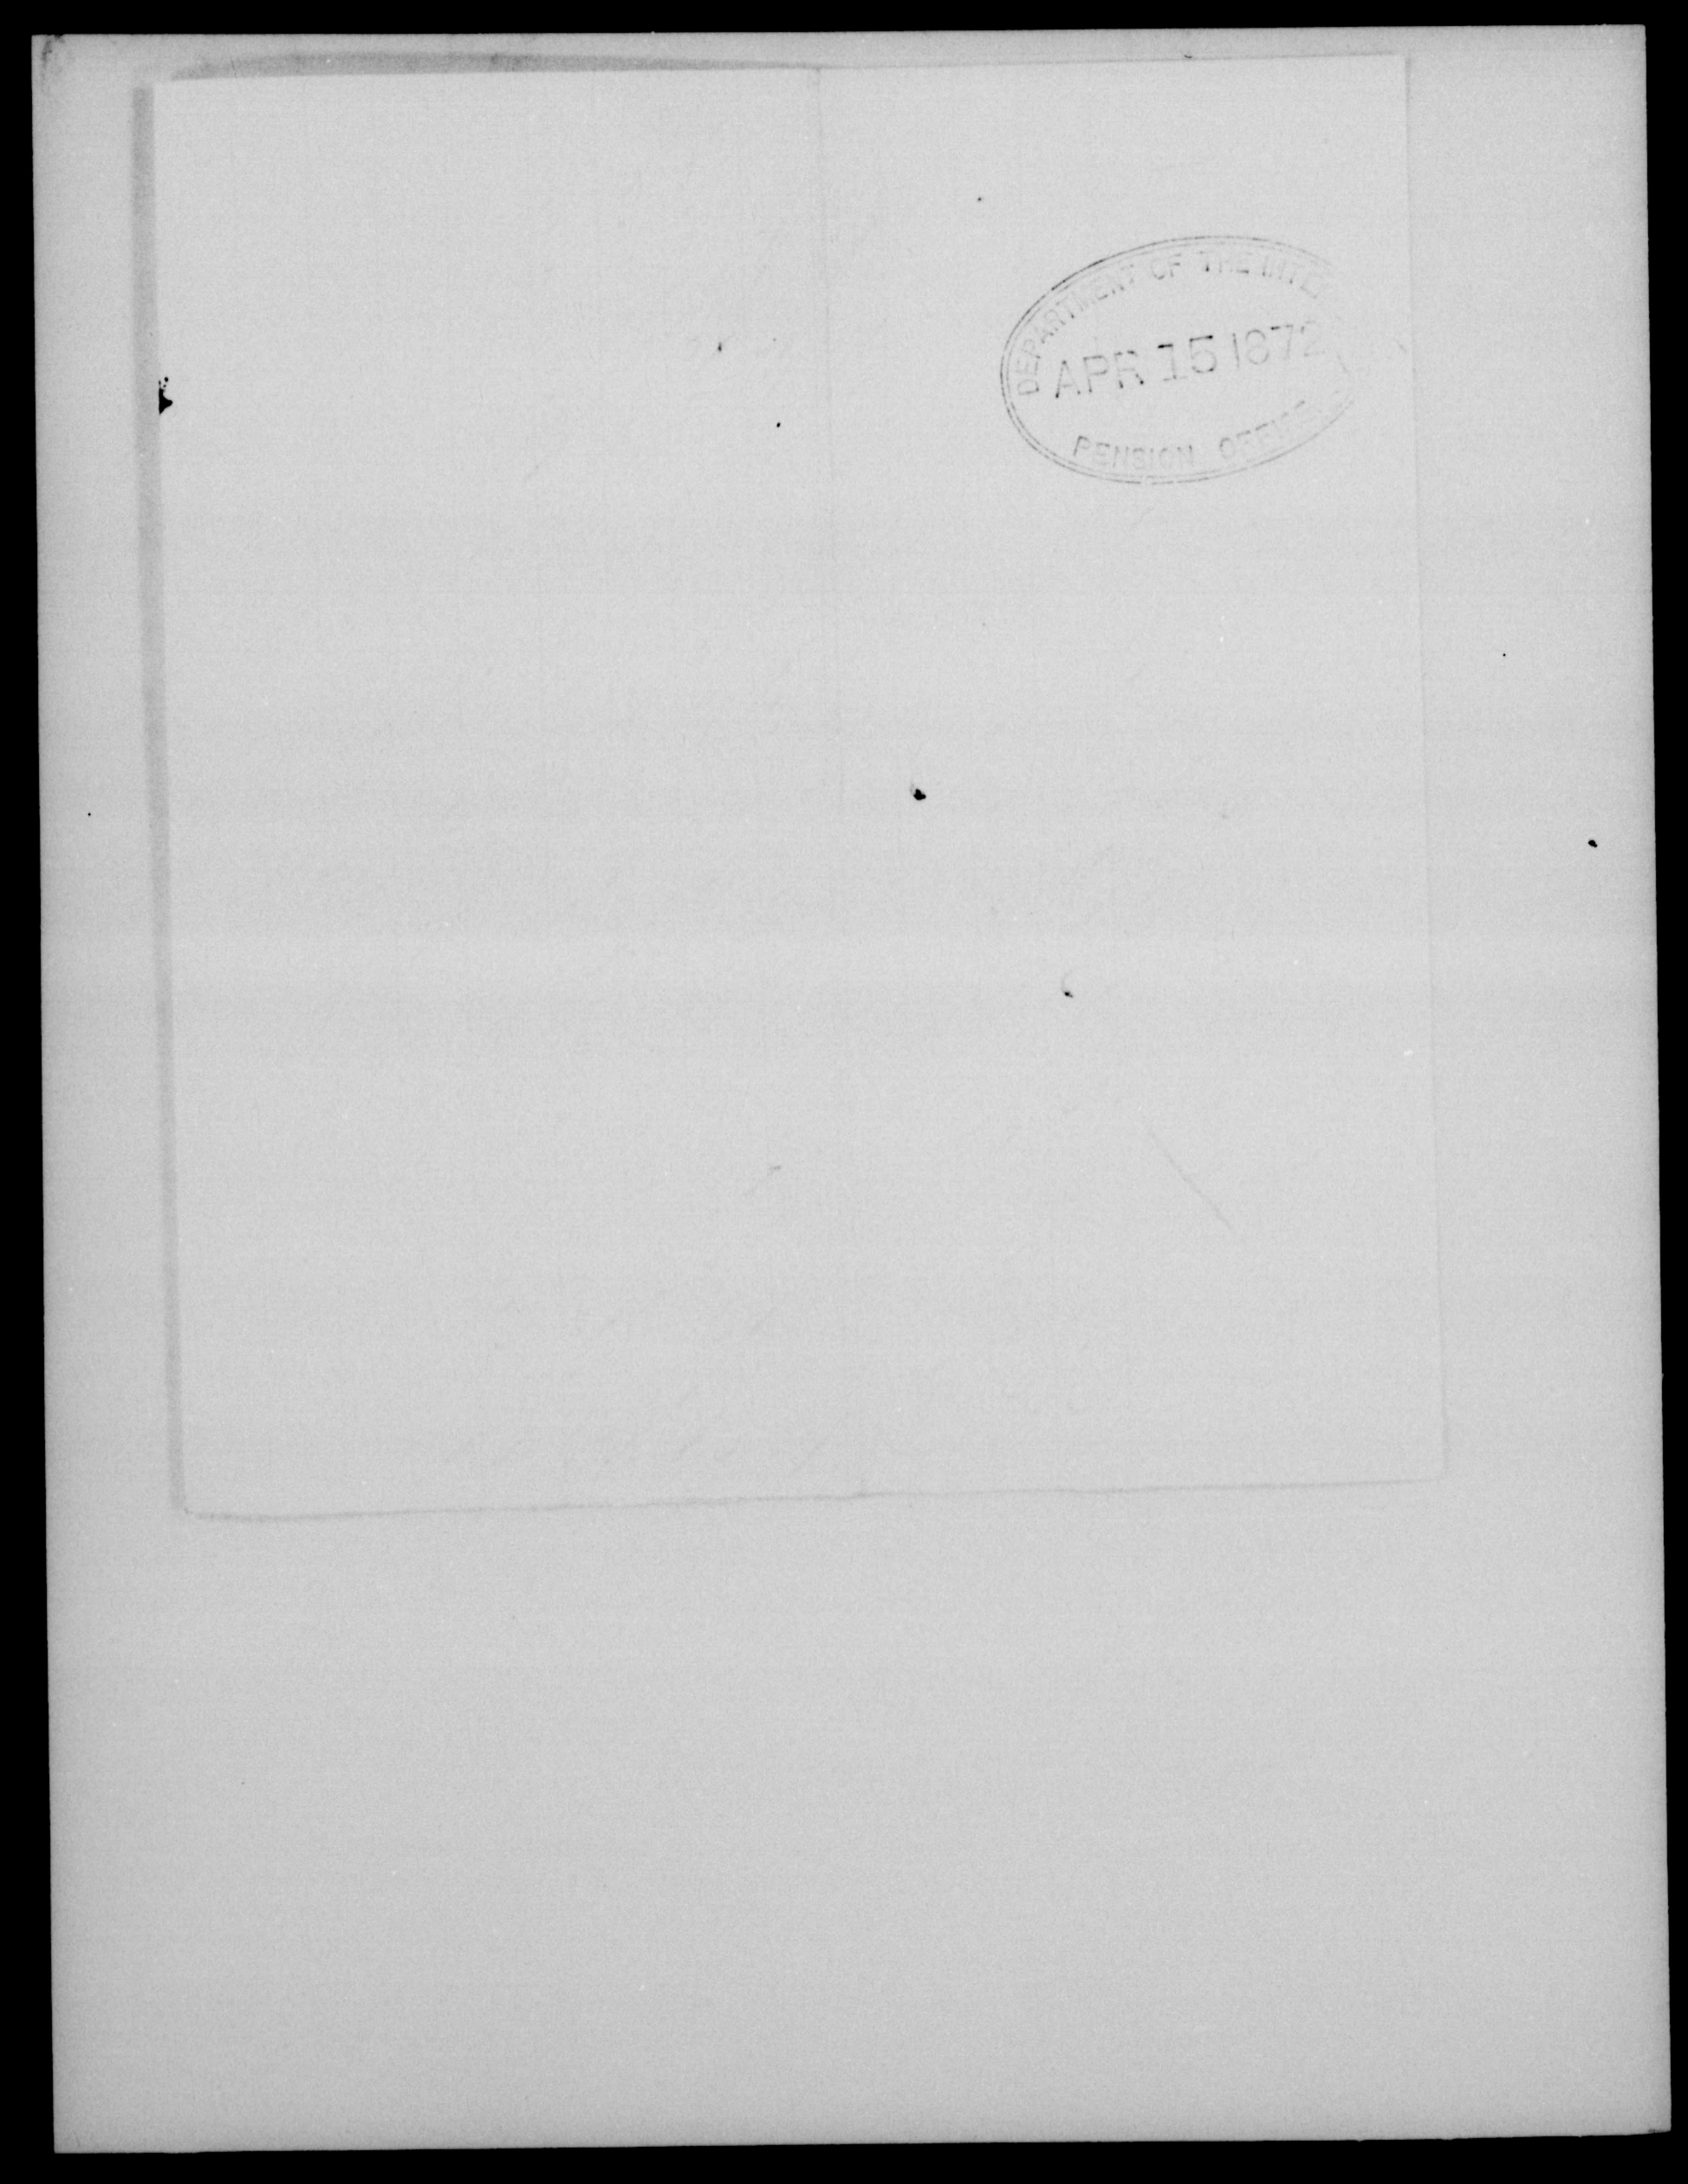DEPARTMENT OF THE INTERIOR
APR 15 1872
PENSION OFFICE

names: [BLANK]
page: 33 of 61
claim: widow's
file: W. 11554, for John Stafford, Maryland